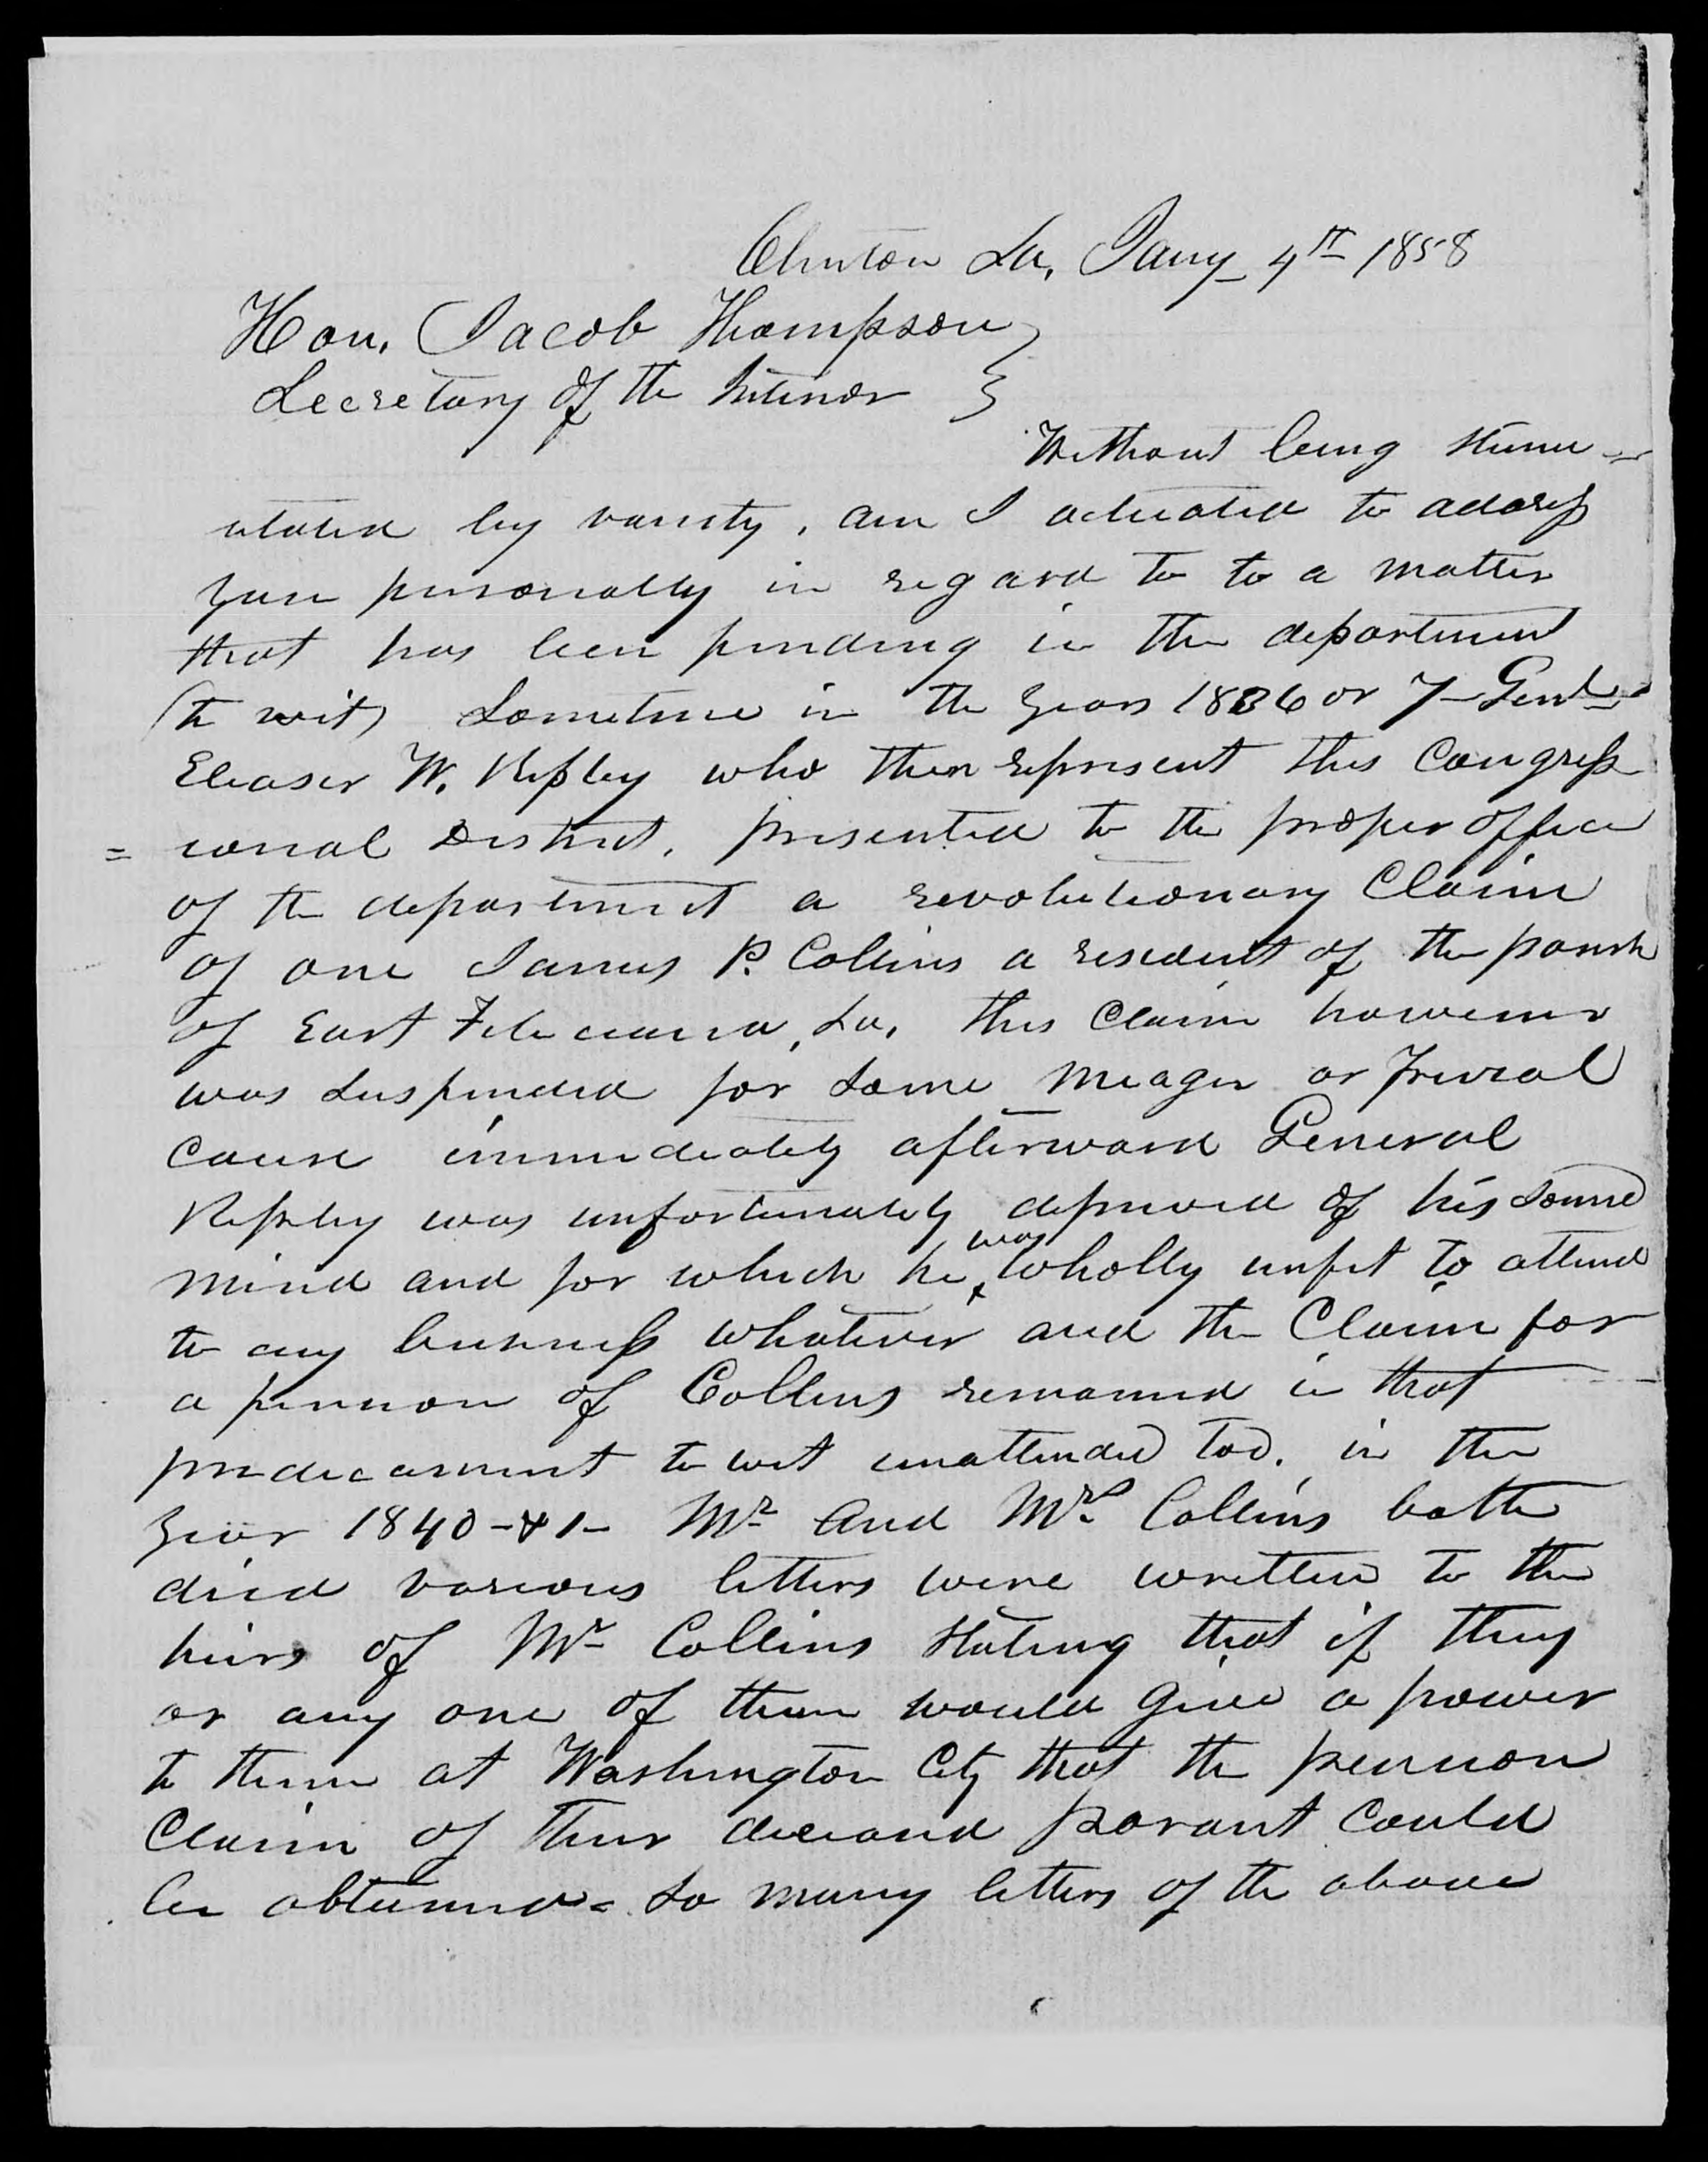Clinton La. Jany 4th 1858
Hon. Jacob Thompson
Secretary of the Interior
Without being humbled by vanity, am I actuated to address you personally in regard to to a matter that has been pending in the department (to wit) Sometime in the year 1836 or 7 Genl
Eleaser W. Ripley who then represent this Congressional District, presented to the proper office
of the department a revolutionary C aim of one James P. Collins a resident of the parish of East Feliciana La, this claim however was suspended for same meager or trivial cause immediately afterward General Ripley was unfortunately deprived of his sound mind and for which he was  wholly unfit to attend to any business whatever and the Claim for a pension of Collins remained in that predicament, to wit, unattended to, in the year 1840 & 1 - Mr. and Mrs. Collins both died various letters were written to the heirs of Mr Collins Stating that if they or any one of them would give a power to them at Washington City that the pension claim of their deceased parent could
be obtained. So many letters of the above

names: Ripley, Collins, Eleaser W Ripley, Jacob Thompson, Collins, James P Collins, Collins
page: 30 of 48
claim: rejected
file: R. 2173, James P Collins, S. C.